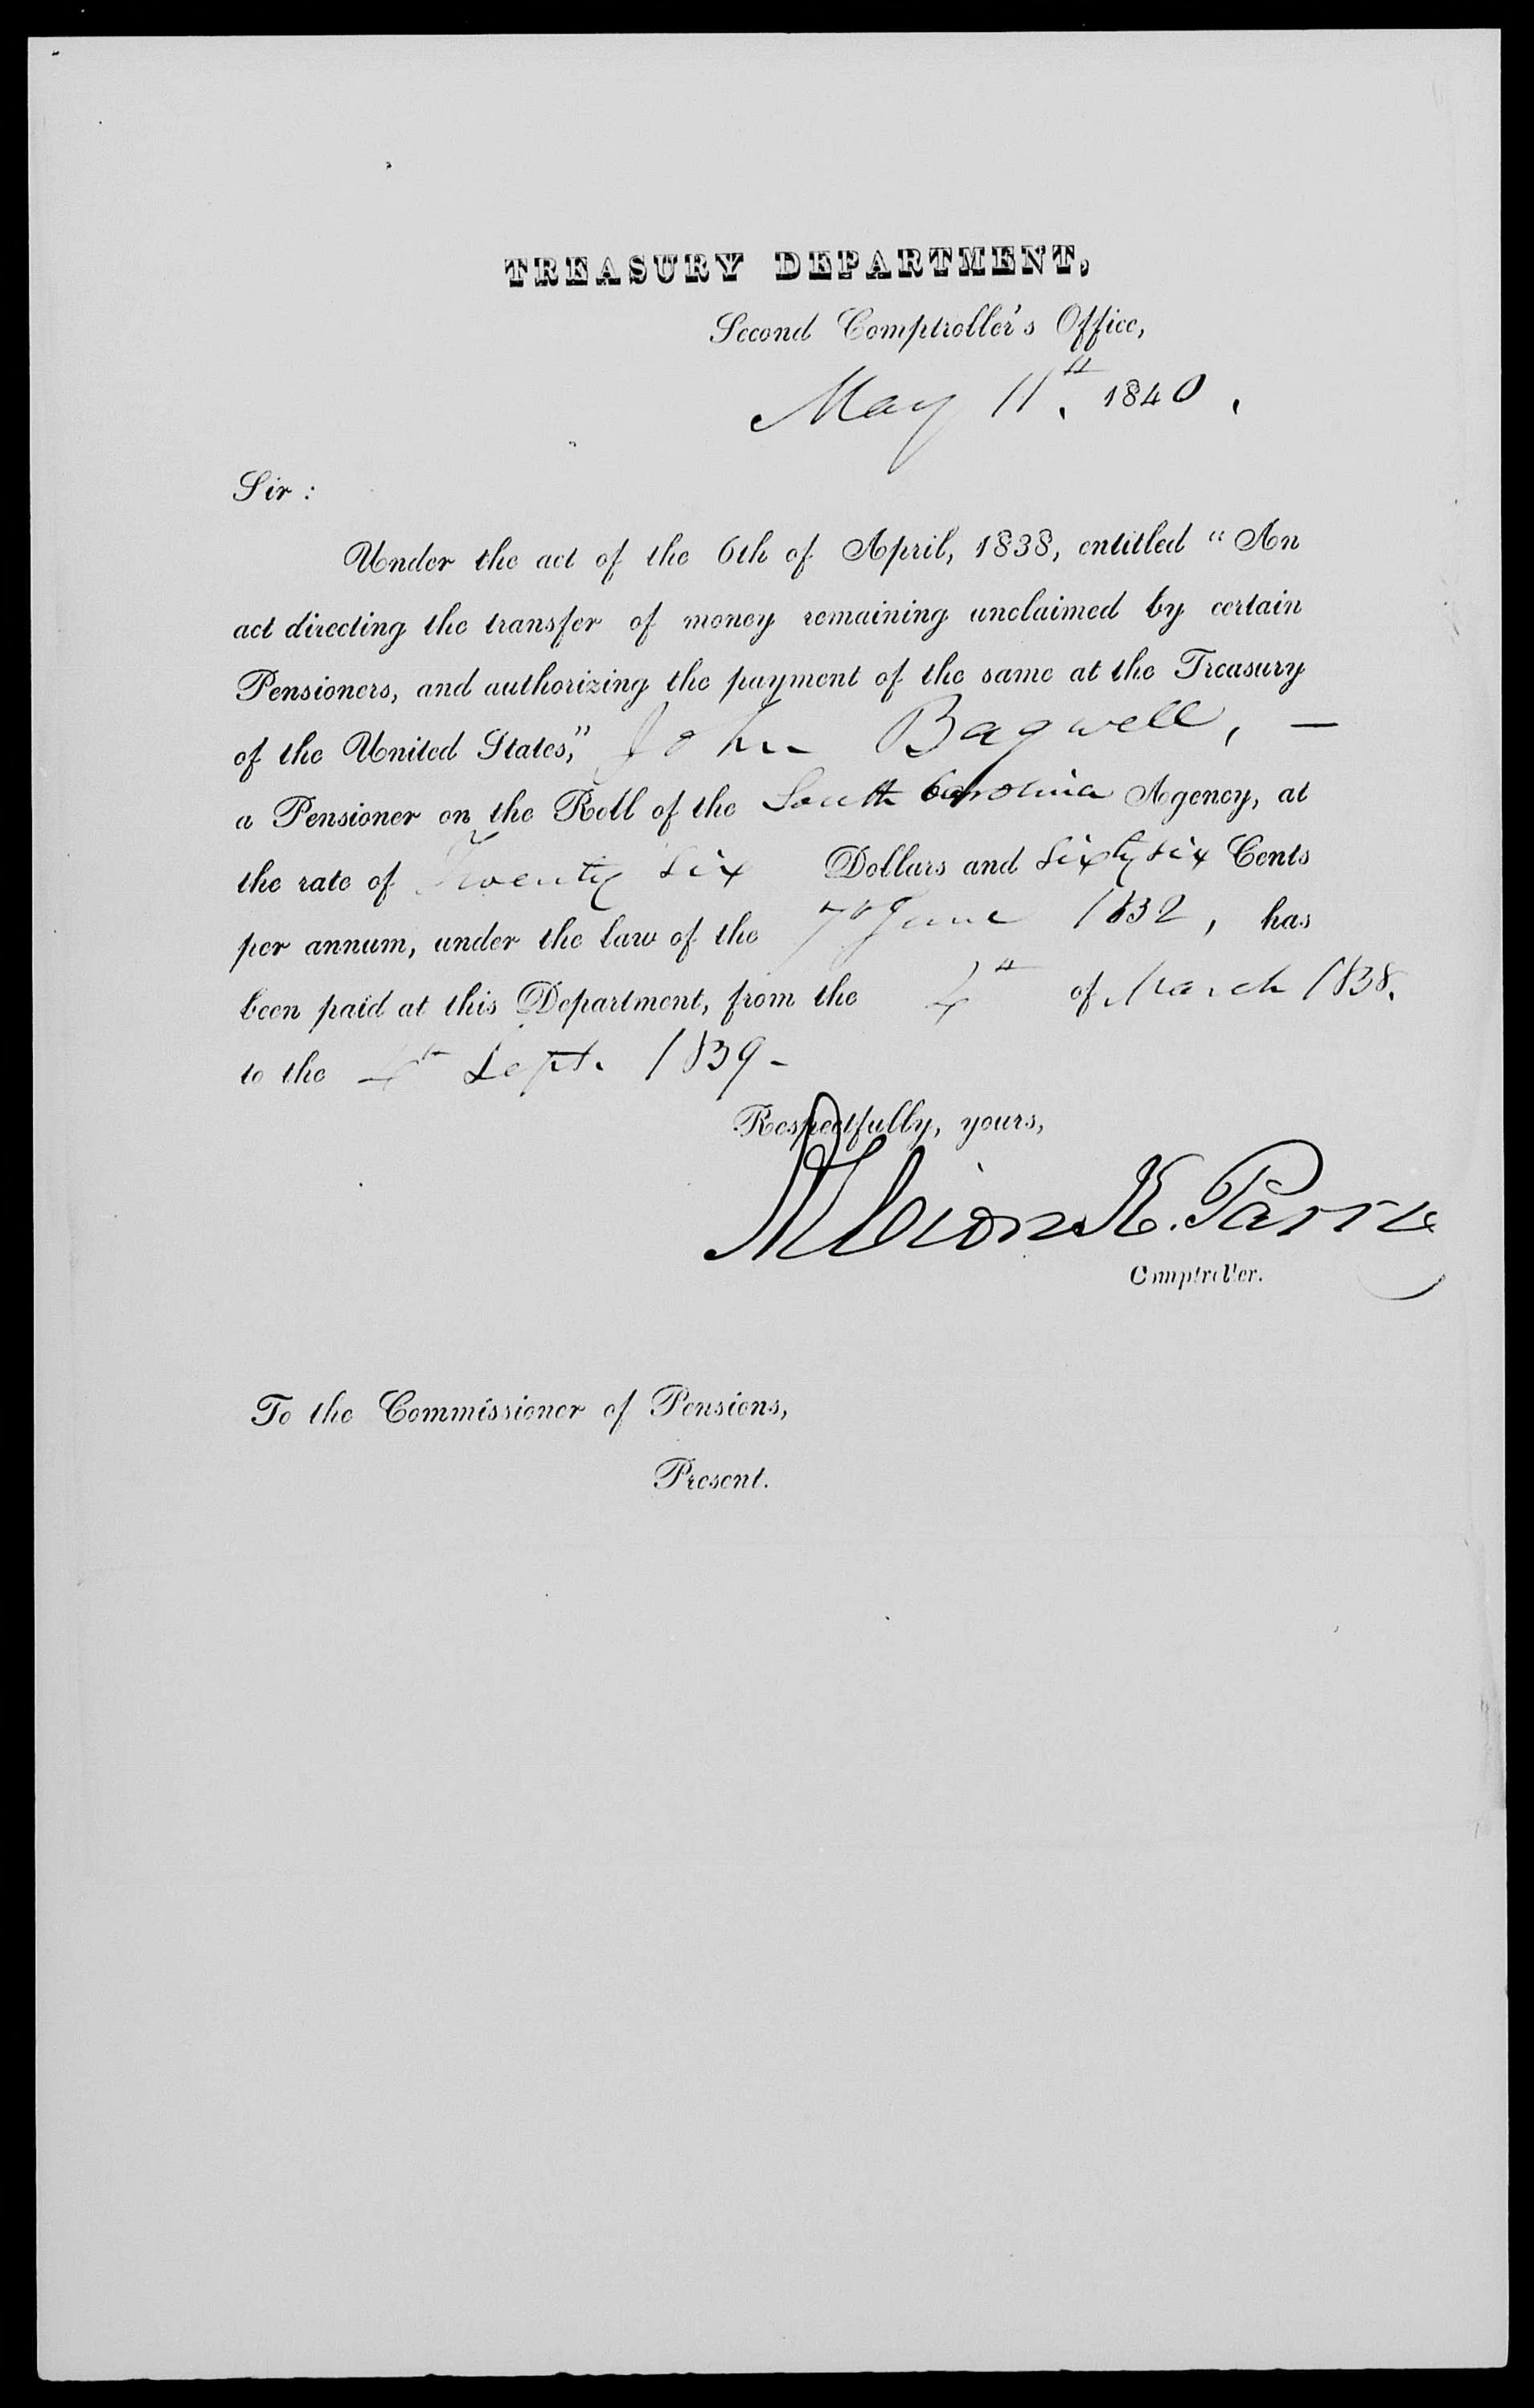Treasury Department, Second Comptroller's Office, May 11th, 1840, Sir: Under the act of the 6th of April 1838, entitled An act directing the transfer of money remaining unclaimed by certain Pensioners, and authorizing the payment of the same at the Treasury of the United States John Bagwell a Pensioner on the roll of the South Carolina Agency, at the rate of twenty six dollars and sixty six cents per annum, under the law of the 7th June 1832, has been paid at this Department, from the 4th of March 1838, to the 4th Sept. 1839. Respectfully yours, Albion K Parris. Comptroller. To the Commissioner of Pensions, present.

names: John Bagwell, Albion K Parris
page: 34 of 36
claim: survivor's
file: S 6571, John Bagwell, N.C.